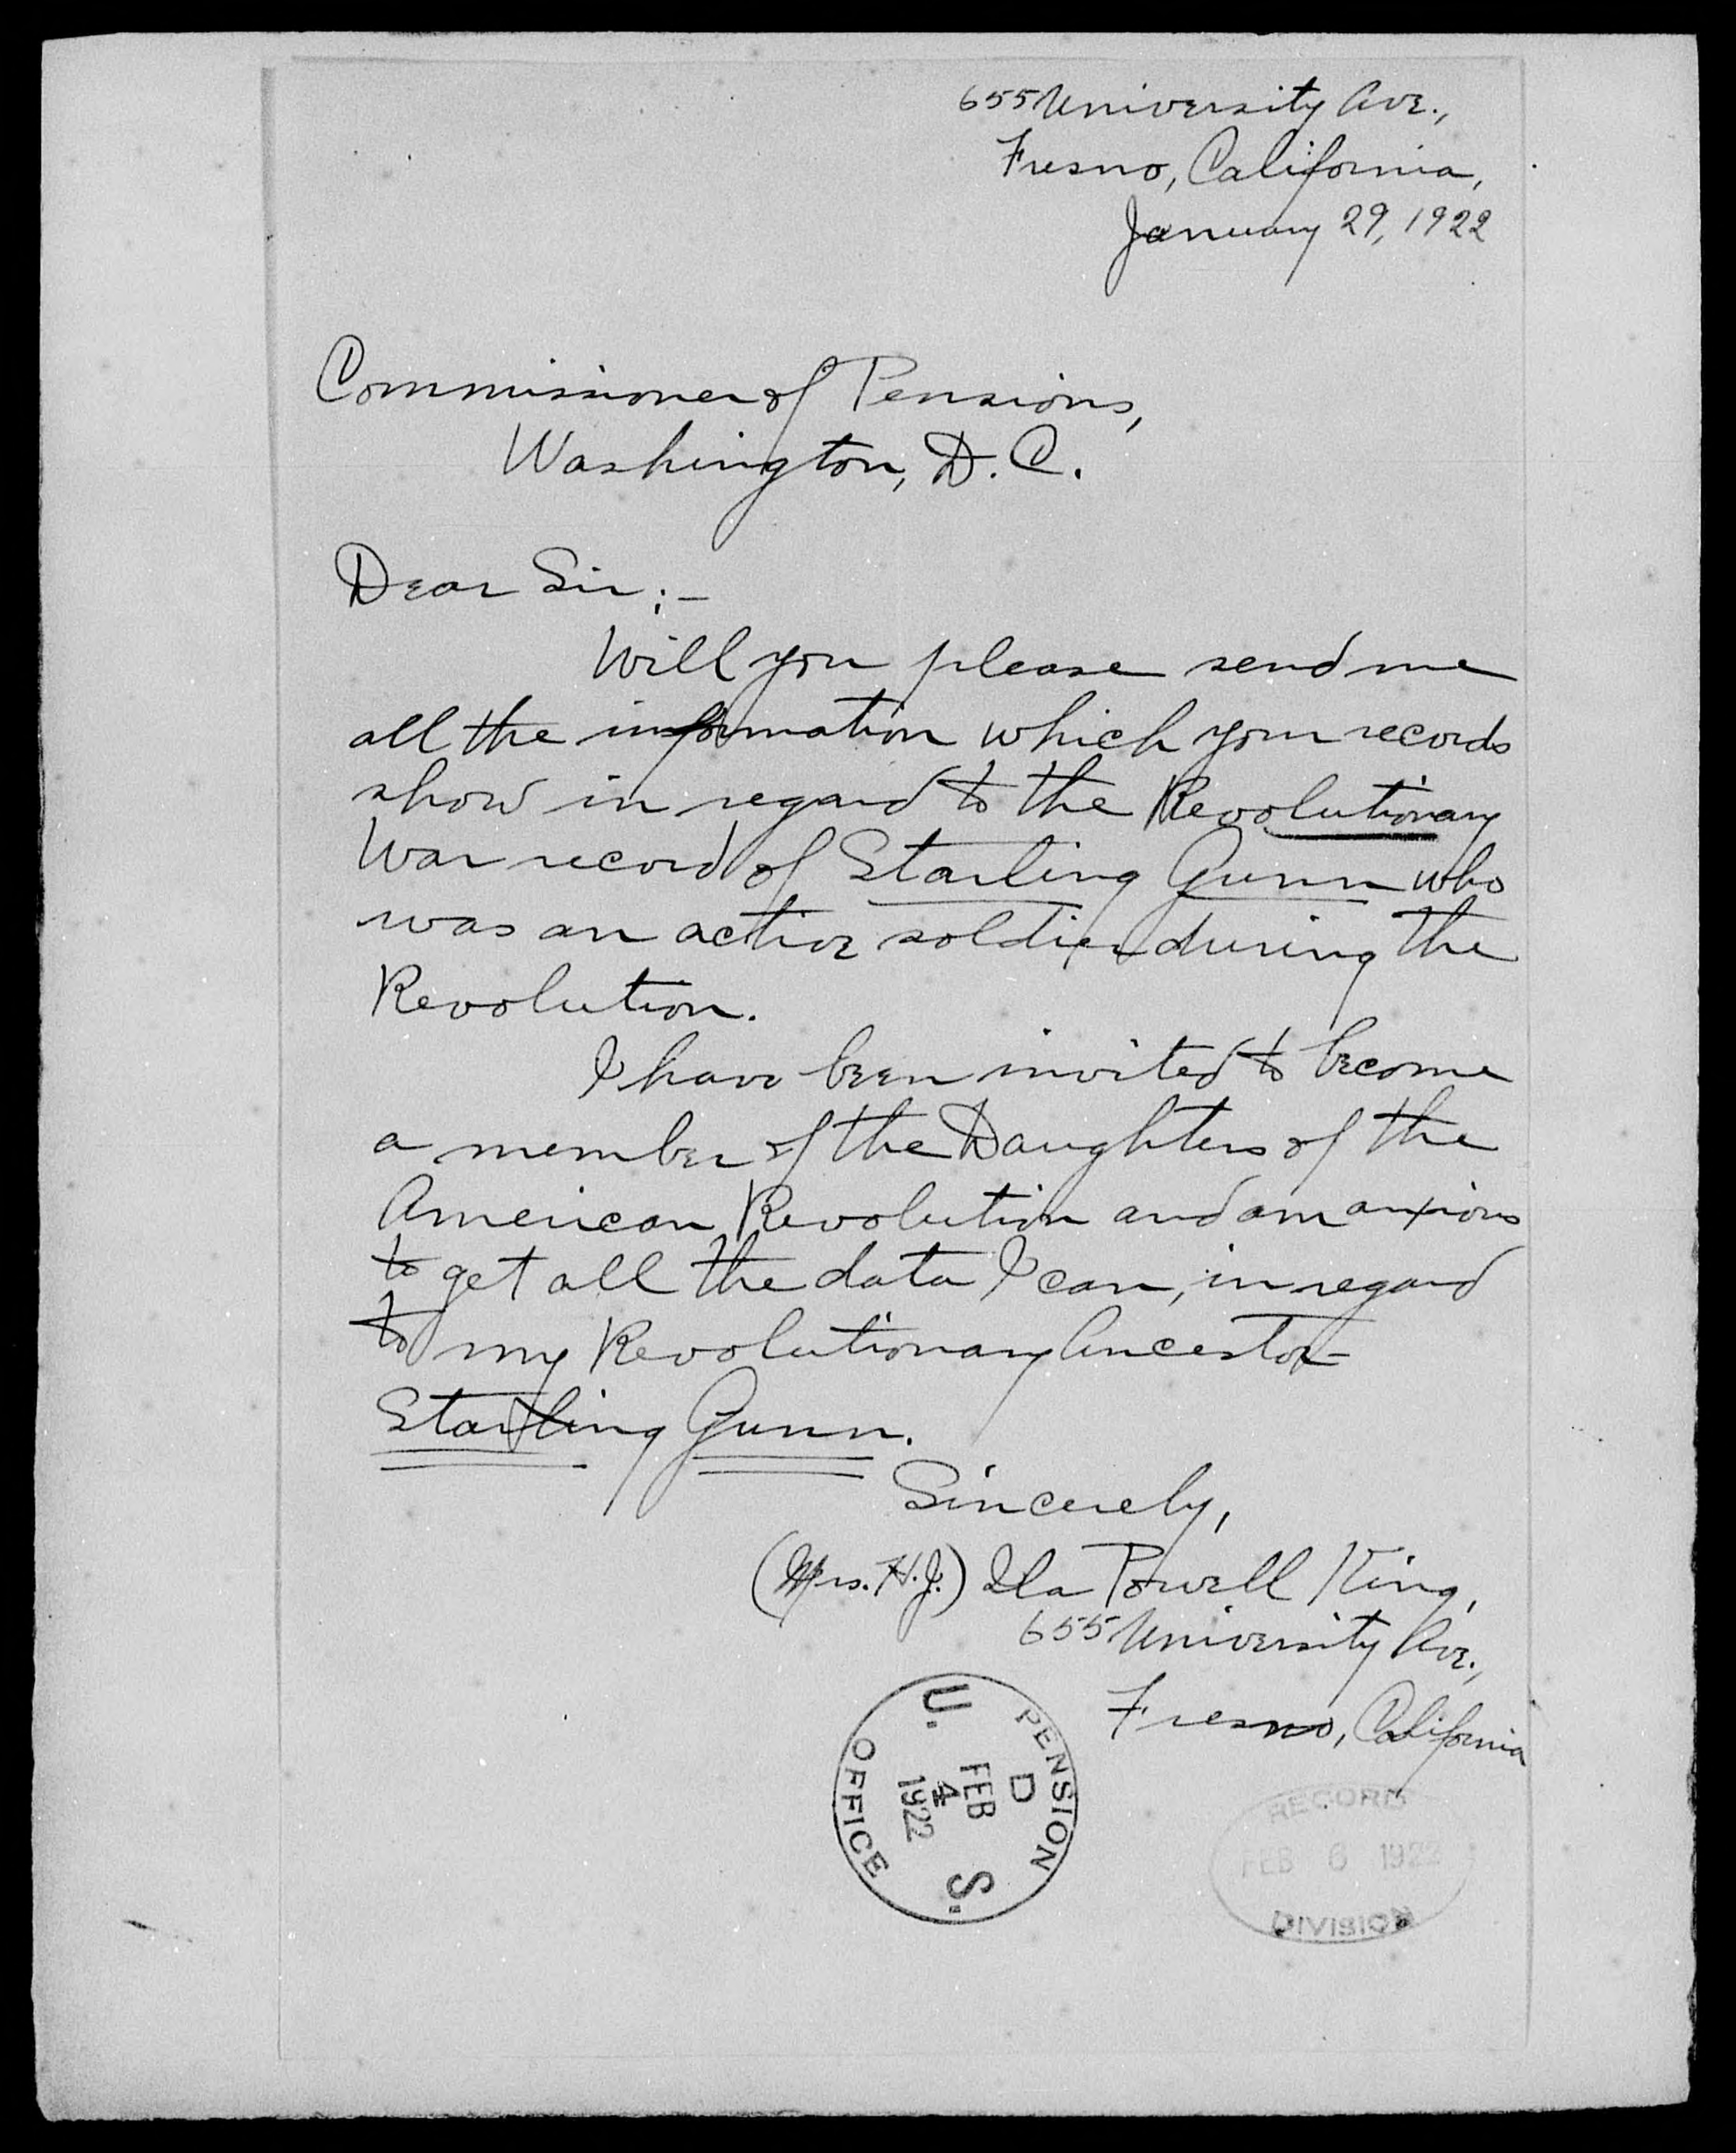655 University Ave.,  Fresno, California,  January 29, 1922
Commissioner of Pensions,  Washington, D.C.
Dear Sir:-  Will you please send me all the information which your records show in regard to the Revolutionary War record of Starling Gunn who was an active soldier during the Revolution.
I have been invited to become a member of the Daughters of the American Revolution and am anxious to get all the data I can, in regard to my Revolutionary Ancestor— Starling Gunn.
Sincerely,
(Mrs. H.J.) Ila Powell King,
655 University Ave.,  Fresno, California

[Stamp:]
U.S. PENSION OFFICE 
D  FEB 4 1922

[Stamp:]
RECORD DIVISION
FEB 6 1922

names: Ela Powell King, Starling Gunn, H G King, Starling Gunn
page: 46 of 58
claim: survivor's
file: S. 6,941, Starling Gunn, Continental Va.